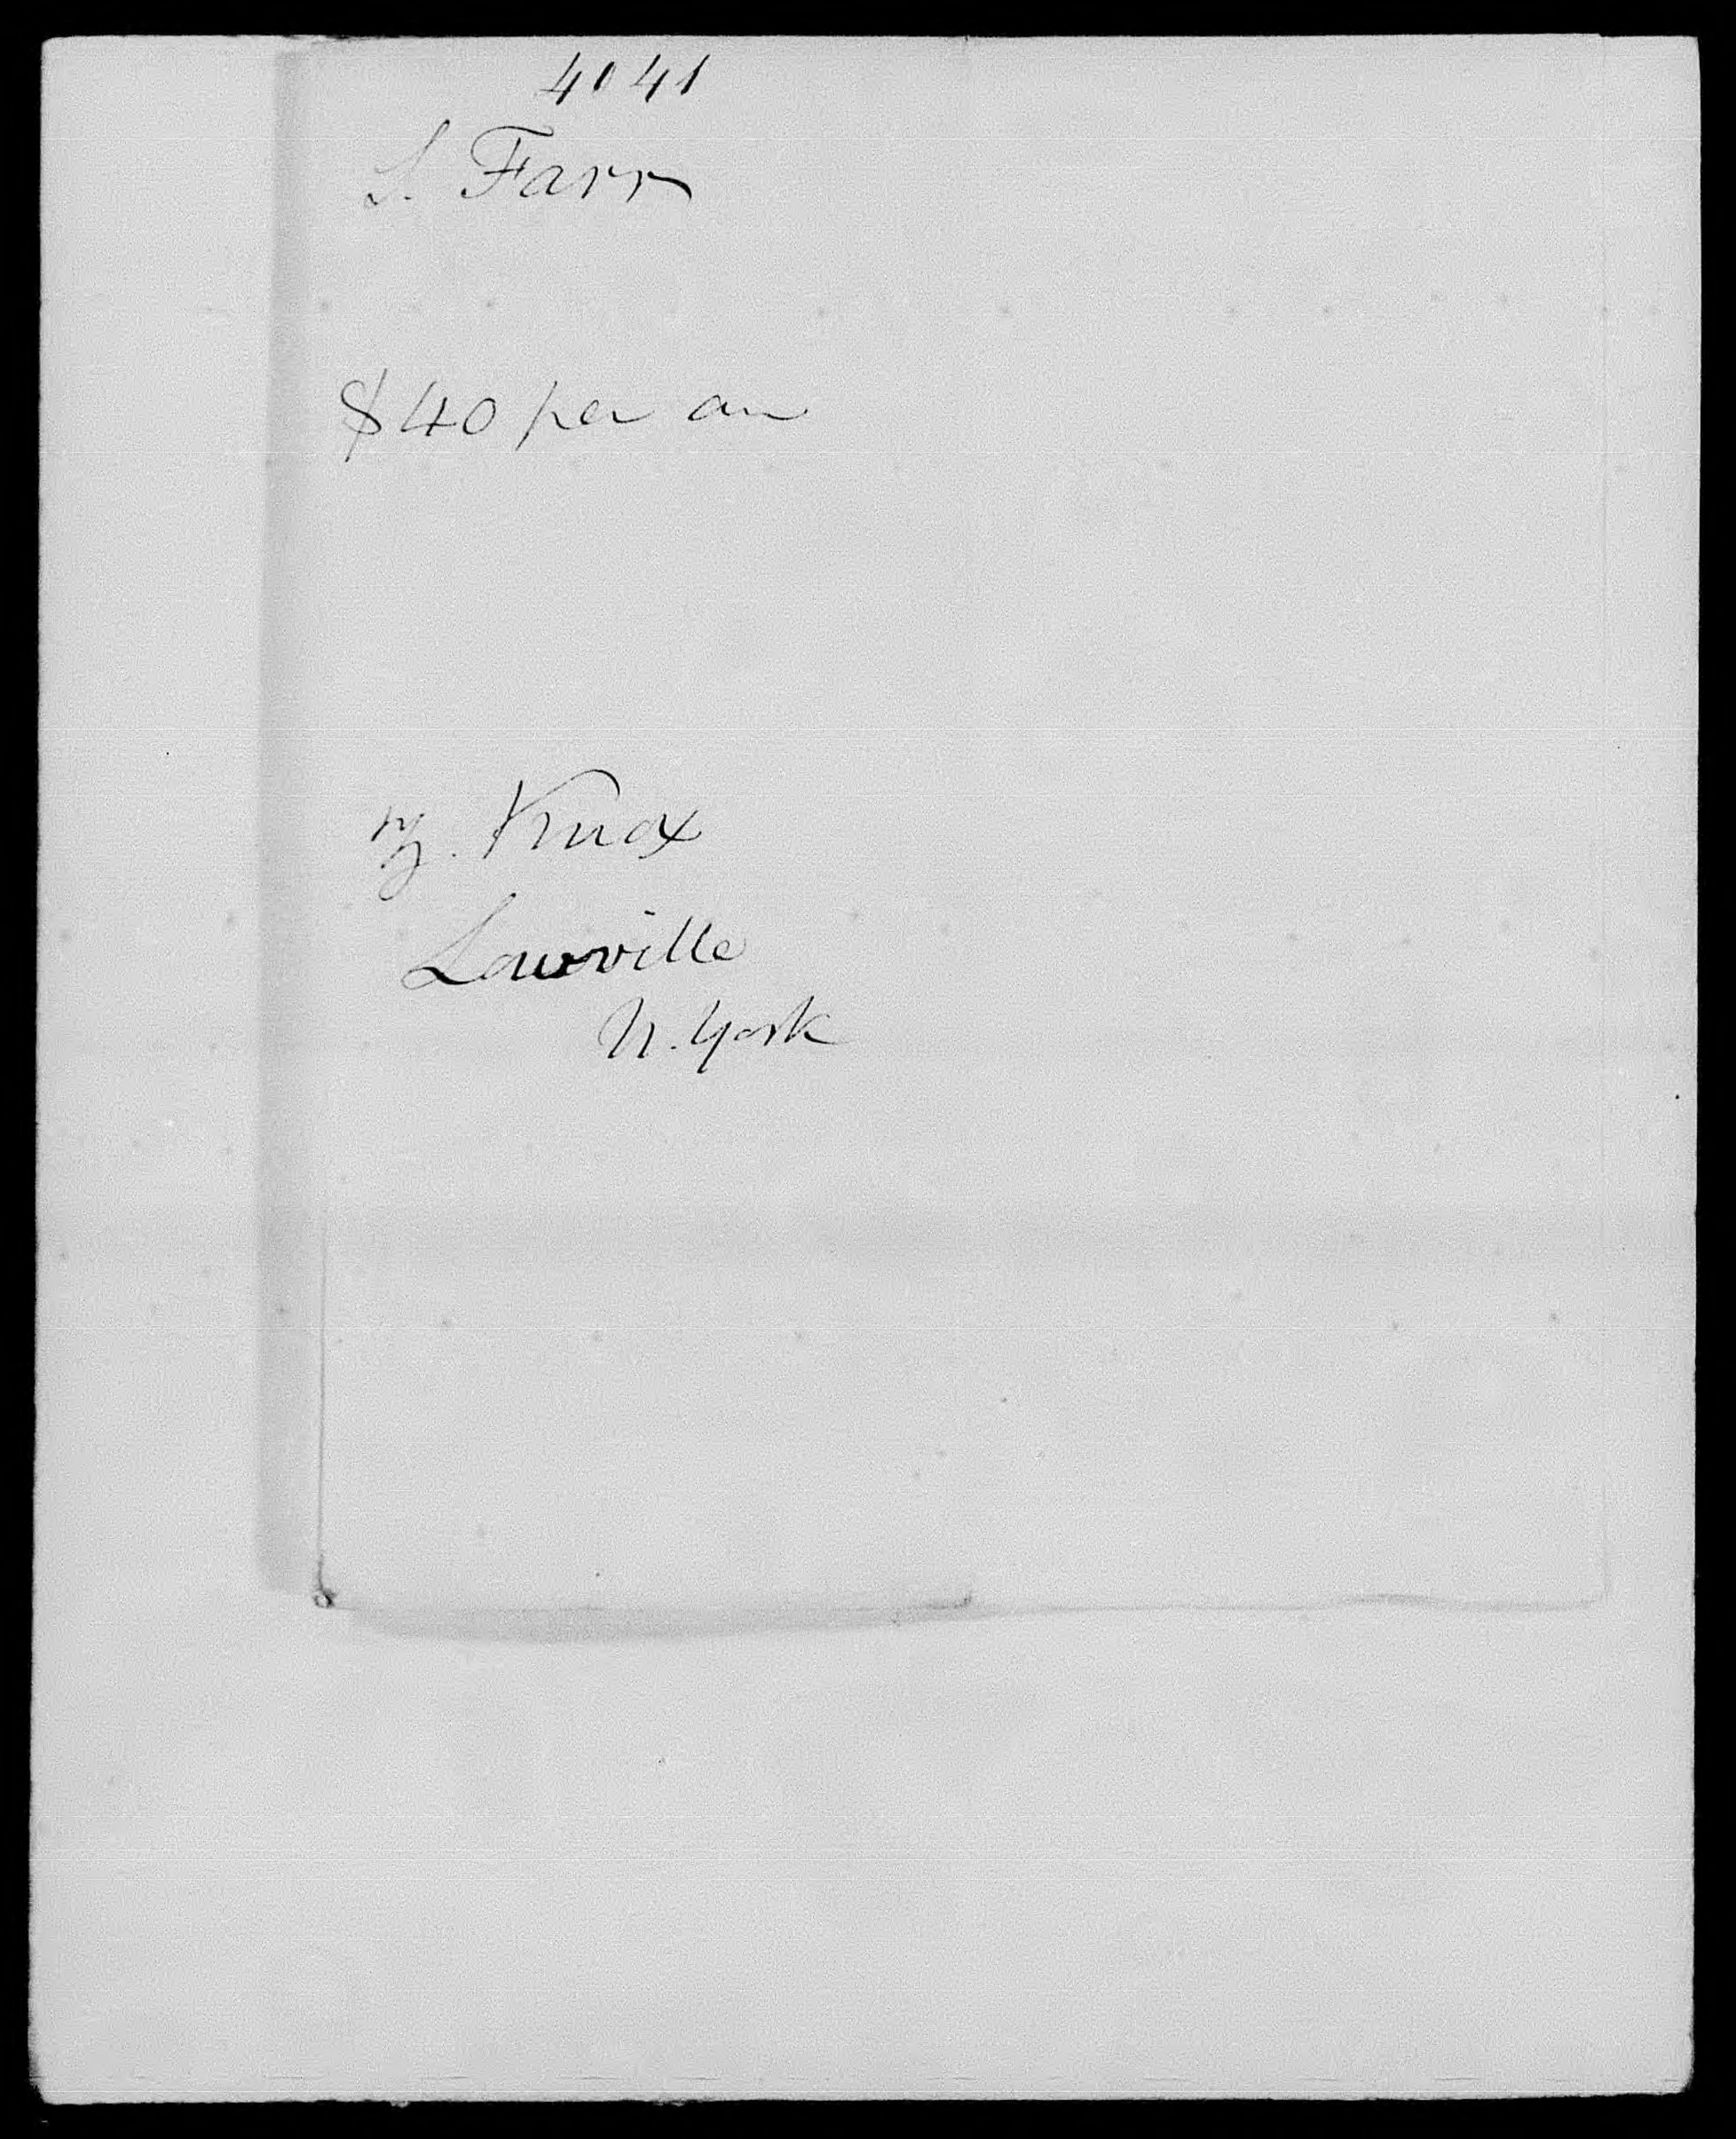4141
S. Farr
$40 per an

Z. Knox
Lowville
N. York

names: S Farr, Z Knox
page: 44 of 46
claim: widow's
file: W. 23022, Thomas Farr, N.H.